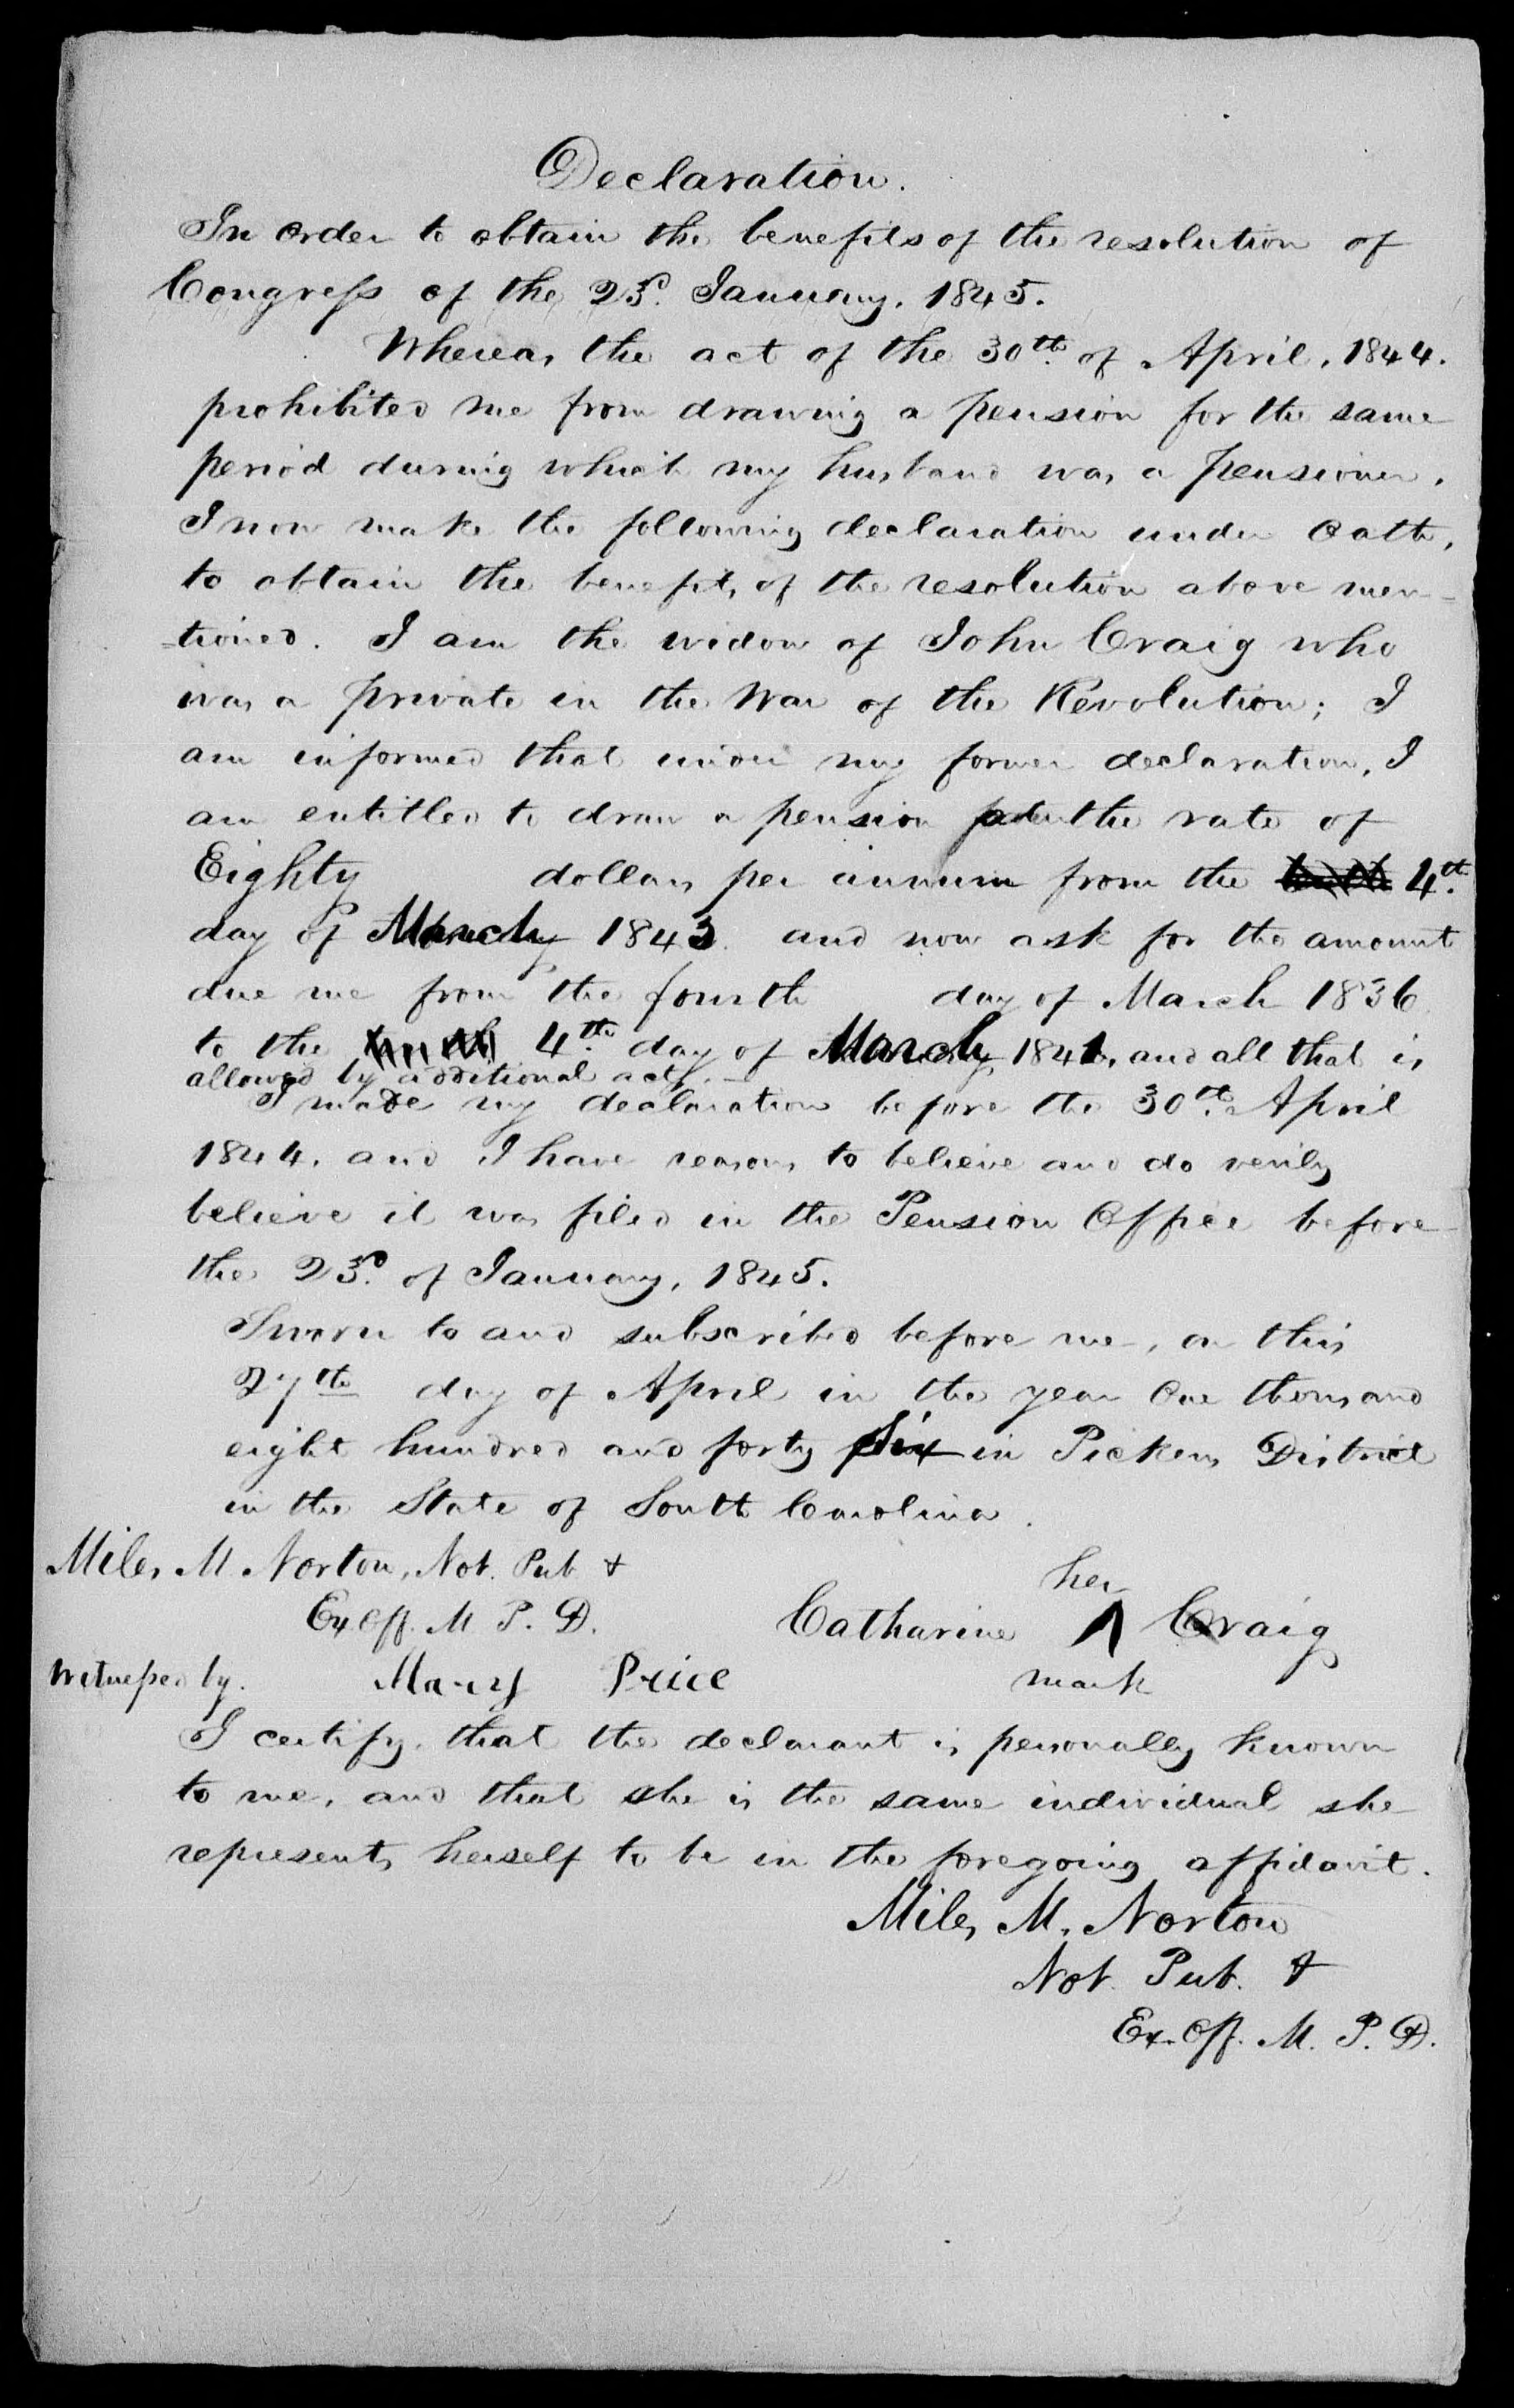Declaration
 In order to obtain the benefits of the resolution of Congress of the 23d January 1845. Whereas the act of the 30th of April, 1844 prohibited me from drawing a pension for the same period during which my husband was a pensioner.
I now make the following declaration under oath
to obtain the benefit of the resolution above mentioned. I am the widow of John Craig who
was a private in the War of the Revolution. I am informed that under my former declaration, I
am entitled to draw a pension at the rate of
Eighty dollars per annum from the 4th
day of March 1843 and now ask for the amount
due me from the fourth day of March 1836 to the 4th day of March 1841, and all that is
allowed by additional act made my declaration before the 30th April 1844, and I have reason to believe and do verily believe it was filed in the Pension Office before the 23d of January, 1845.
Sworn to and subscribed before me, on this
27th day of April in the year one thousand
eight hundred and forty six in Pickens District
in the State of South Carolina.
her mark - Catharine Craig
Miles M. Norton, Not. Pub. & Ex Off. M.P.D.
Witnessed by - Mary Price
I certify that the declarant is personally known
to me, and that she is the same individual she
represents herself to be in the foregoing affidavit.
Miles M. Norton
Not Pub. &
Ex Off. M. P. D.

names: John Craig, Miles M Norton, Mary Price, Miles M Norton, Catharine Craig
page: 29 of 55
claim: widow's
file: W. 22864, John Craig, S.C. Born In Iceland